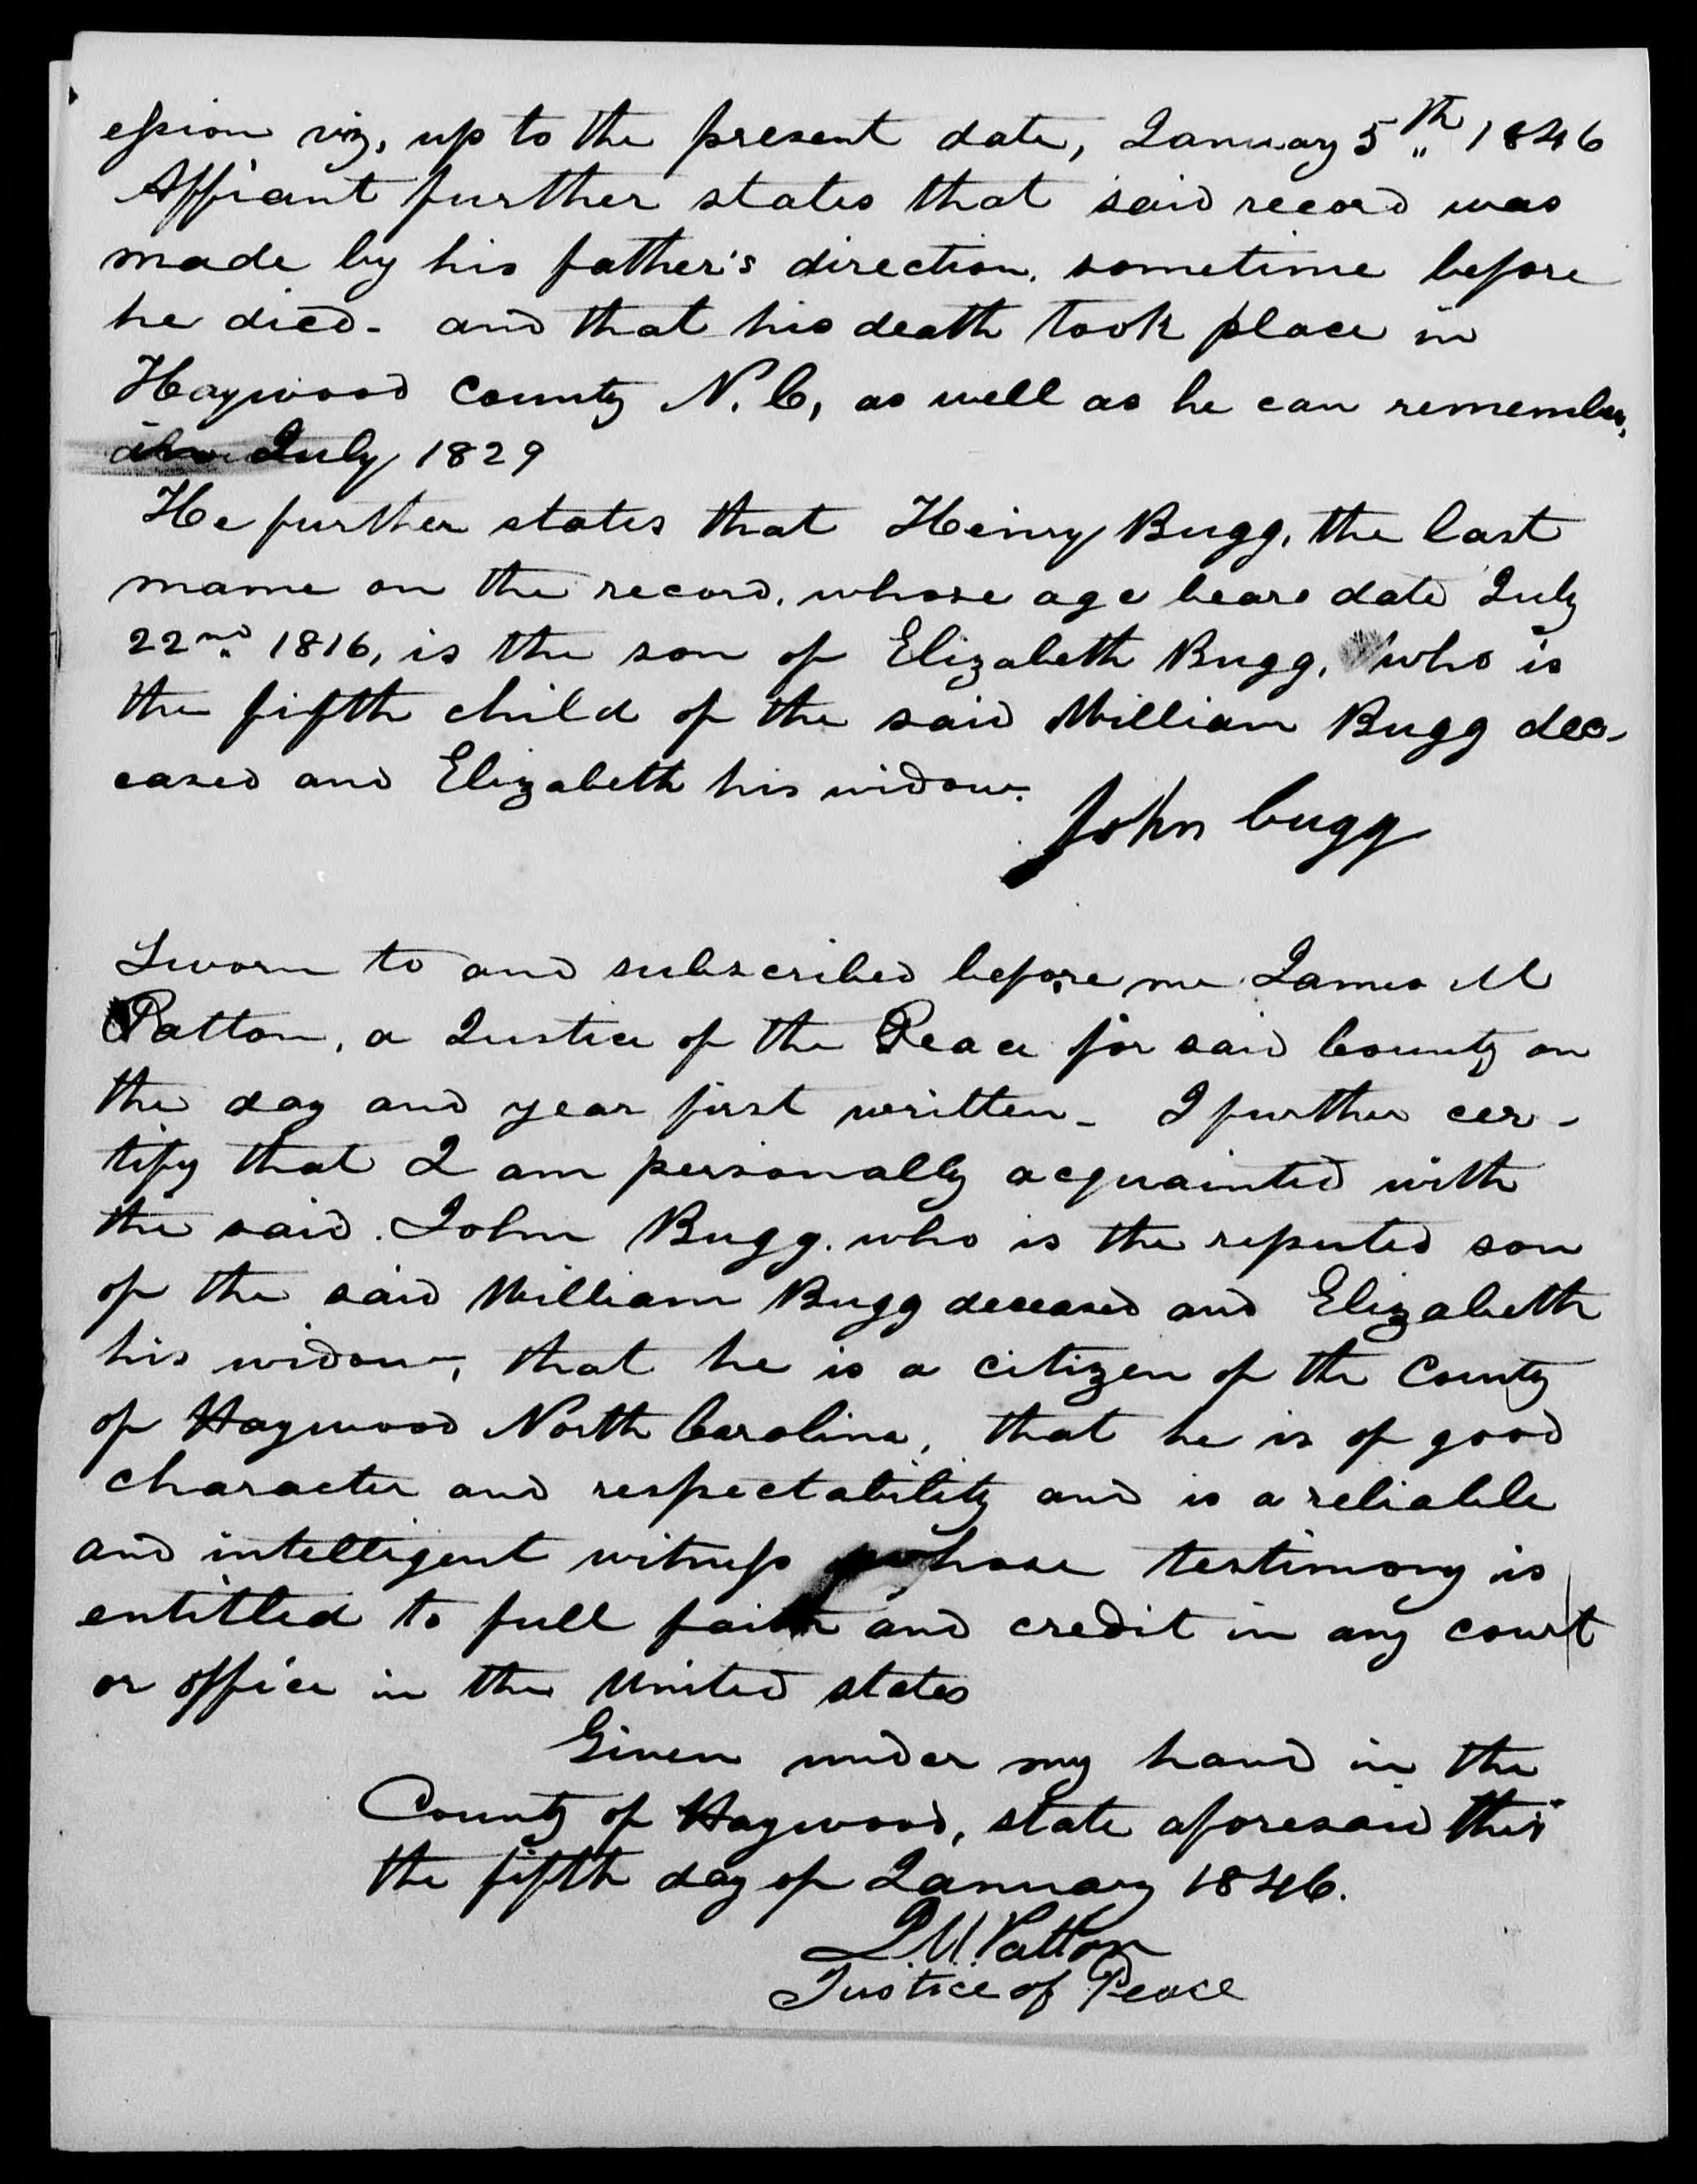ession viz, up to the present date, January 5th, 1846
Affiant further states that said record was made my his father's direction, sometime before he died. and that his death took place in Haywood County N.C., as well as he can remember, [here it looks like the partial word "abou" was blotted and overwritten with the word "in"] July 1829

He further states that Henry Bugg, the last name on the record, whose age bears date July 22nd 1816, is the son of Elizabeth Bugg, who is the fifth child of the said William Bugg deceased and Elizabeth his widow. [Signature, in a different handwriting from the text]  John bugg

Sworn to and subscribed before me. James [the next letter could be "U" but appears most likely to be "M"] Patton, a Justice of the Peace for said County on the day and year first written - I further certify that I am personally acquainted with the said. John Bugg. who is the reputed son of the said William Bugg deceased and Elizabeth his widow, that he is a citizen of the County of Haywood North Carolina, that he is of good character and respectability and is a reliable and intelligent witness [blotted first few letters, but it appears that the next word was "whose"] testimony is entitled to full faith and credit in any court or office in the United states

Given under my hand in the County of Haywood, state aforesaid this the fifth day of January 1846. J. M. Patton  Justice of Peace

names: Henry Bugg, J M Patton, Elizabeth, John Bugg, William Bugg, William Bugg, James M Patton, John Bugg, Elizabeth, Elizabeth Bugg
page: 11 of 50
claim: widow's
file: W. 898, William Bugg, N.C.